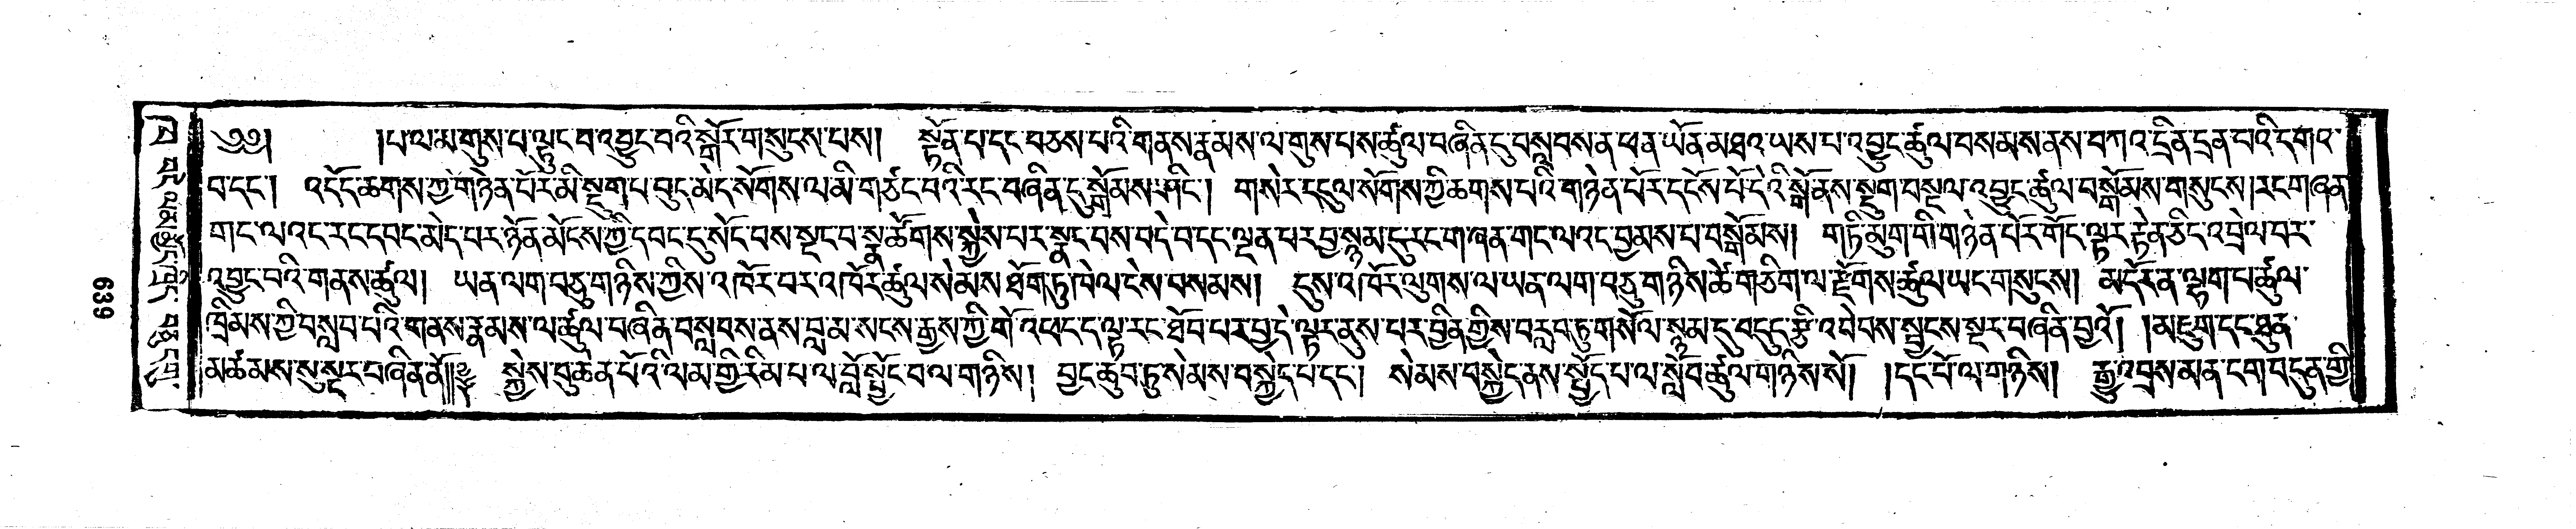༄༅། །པ་ལ་མ་གུས་པ་ལྟུང་བ་འབྱུང་བའི་སྒོར་གསུངས་པས། སྟོན་པ་དང་བཅས་པའི་གནས་རྣམས་ལ་གུས་པས་ཚུལ་བཞིན་དུ་བསླབས་ན་ཕན་ཡོན་མཐའ་ཡས་པ་འབྱུང་ཚུལ་བསམས་ནས་བཀའ་དྲིན་དྲན་པའི་དགའ་
བ་དང་། འདོད་ཆགས་ཀྱི་གཉེན་པོར་མི་སྡུག་པ་བུད་མེད་སོགས་ལ་མི་གཙང་བའི་རང་བཞིན་དུ་སྒོམས་ཤིང་། གསེར་དངུལ་སོགས་ཀྱི་ཆགས་པའི་གཉེན་པོར་དངོས་པོ་དེའི་སྒོ་ནས་སྡུག་བསྔལ་འབྱུང་ཚུལ་བསྒོམས་གསུངས། རང་གཞན་
གང་ལའང་རང་དབང་མེད་པར་ཉོན་མོངས་ཀྱི་དབང་དུ་སོང་བས་སྡང་བ་སྣ་ཚོགས་སྐྱེས་པར་སྣང་བས་བདེ་བ་དང་ལྡན་པར་བྱ་སྙམ་དུ་རང་གཞན་གང་ལའང་བྱམས་པ་བསྒོམས། གཏི་མུག་གི་གཉེན་པོར་གོང་ལྟར་རྟེན་ཅིང་འབྲེལ་བར་
འབྱུང་བའི་གནས་ཚུལ། ཡན་ལག་བཅུ་གཉིས་ཀྱིས་འཁོར་བར་འཁོར་ཚུལ་སེམས་ཐོག་ཏུ་ཁེལ་ངེས་བསམས། དུས་འཁོར་ལུགས་ལ་ཡན་ལག་བཅུ་གཉིས་ཚེ་གཅིག་ལ་རྫོགས་ཚུལ་ཡང་གསུངས། མདོར་ན་ལྷག་པ་ཚུལ་
ཁྲིམས་ཀྱི་བསླབ་པའི་གནས་རྣམས་ལ་ཚུལ་བཞིན་བསླབས་ནས་བླ་མ་སངས་རྒྱས་ཀྱི་གོ་འཕང་ད་ལྟ་རང་ཐོབ་པར་བྱ་དེ་ལྟར་ནུས་པར་བྱིན་གྱིས་བརླབ་ཏུ་གསོལ་སྙམ་དུ་བདུད་རྩི་འབེབས་སྦྱངས་སྔར་བཞིན་བྱའོ། །མཇུག་དང་ཐུན་
མཚམས་སུ་སྔར་བཞིན་ནོ།། ༈ སྐྱེས་བུ་ཆེན་པོའི་ལམ་གྱི་རིམ་པ་ལ་བློ་སྤྱོང་བ་ལ་གཉིས། བྱང་ཆུབ་ཏུ་སེམས་བསྐྱེད་པ་དང་། སེམས་བསྐྱེད་ནས་སྤྱོད་པ་ལ་སློབ་ཚུལ་གཉིས་སོ། །དང་པོ་ལ་གཉིས། རྒྱུ་འབྲས་མན་ངག་བདུན་གྱི་